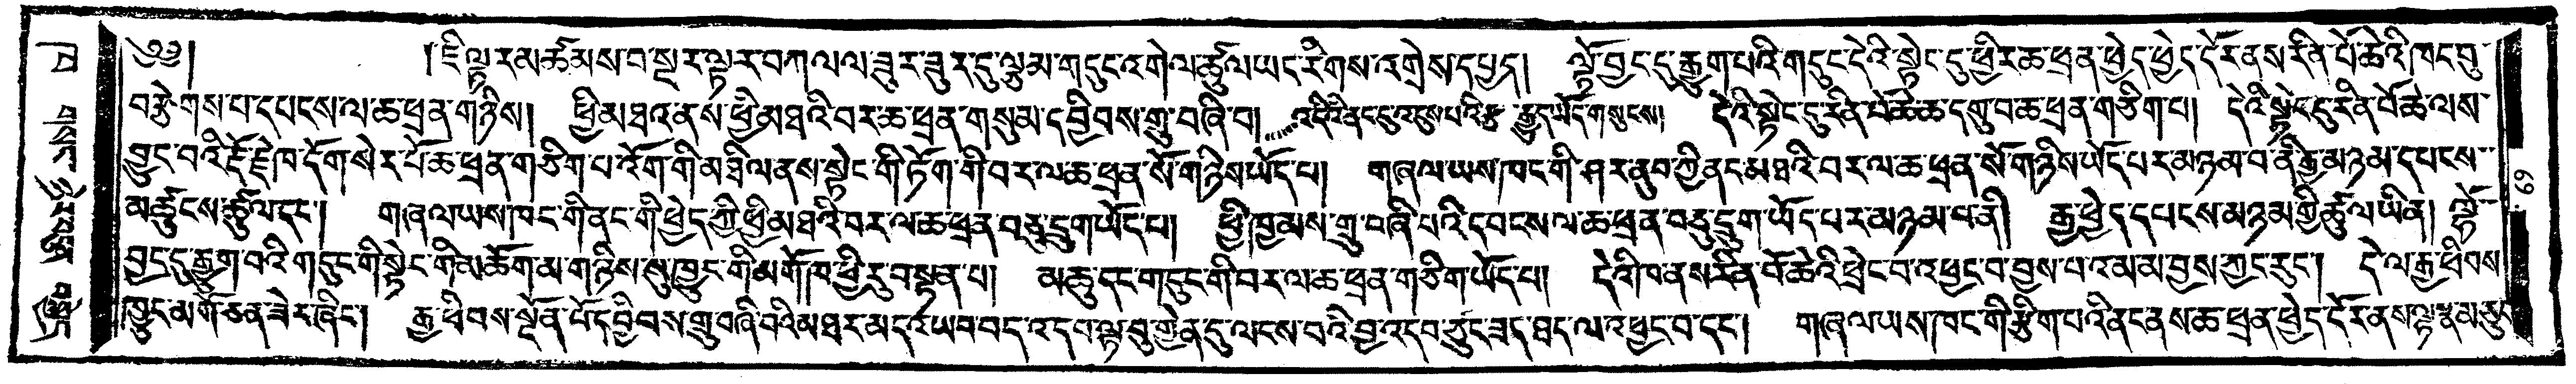༄༅། །ཇི་ལྟར་མཚམས་པ་སྔར་ལྟར་བཀལ་ལ་ཟུར་ཟུར་དུ་ལྕམ་གདུང་འགེལ་ཚུལ་ཡང་རིགས་འགྲེས་དཔྱད། ལྷོ་བྱང་དུ་རྒྱུག་པའི་གདུང་དེའི་སྟེང་དུ་ཕྱིར་ཆ་ཕྲན་ཕྱེད་ཕྱེད་དོར་ནས་རིན་པོ་ཆེའི་ཁང་བུ་
བརྩེགས་པ་དཔངས་ལ་ཆ་ཕྲན་གཉིས། ཕྱི་མཐའ་ནས་ཕྱི་མཐའི་བར་ཆ་ཕྲན་གསུམ་དབྱིབས་གྲུ་བཞི་པ། འདིའི་ནང་དུ་འདུས་པའི་རྩ་རྒྱུད་ཡོད་གསུངས། དེའི་སྟེང་དུ་རིན་པོ་ཆེ་ཆ་དགུ་བ་ཆ་ཕྲན་གཅིག་པ། དེའི་སྟེང་དུ་རིན་པོ་ཆེ་ལས་
བྱུང་བའི་རྡོ་རྗེ་ཁ་དོག་སེར་པོ་ཆ་ཕྲན་གཅིག་པ་འོག་གི་མཐིལ་ནས་སྟེང་གི་བར་ལ་ཆ་ཕྲན་སོ་གཉིས་ཡོད་པ། གཞལ་ཡས་ཁང་གི་ཤར་ནུབ་ཀྱི་ནང་མཐའི་བར་ལ་ཆ་ཕྲན་སོ་གཉིས་ཡོད་པར་མཉམ་པ་ནི་རྒྱུ་མཉམ་དཔངས་
མཚུངས་ཚུལ་དང་། གཞལ་ཡས་ཁང་གི་ནང་གི་ཕྱེད་ཀྱི་ཕྱི་མཐའི་བར་ལ་ཆ་ཕྲན་བཅུ་དྲུག་ཡོད་པ། ཕྱི་ཁྱམས་གྲུ་བཞི་པའི་དཔངས་ལ་ཆ་ཕྲན་བཅུ་དྲུག་ཡོད་པར་མཉམ་པ་ནི། རྒྱ་ཕྱེད་དཔངས་མཉམ་གྱི་ཚུལ་ཡིན། ལྷོ་
བྱང་དུ་རྒྱུག་བའི་གདུང་གི་སྟེང་གི་མཆོག་མ་གཉིས་སུ་ཁྱུང་གི་མགོ་ཁ་ཕྱི་རུ་བསྟན་པ། མཆུ་དང་གདུང་གི་བར་ལ་ཆ་ཕྲན་གཅིག་ཡོད་པ། དེའི་ཁ་ནས་རིན་པོ་ཆེའི་ཕྲེང་བ་འཕྱང་བ་བྱས་པ་འམ་མ་བྱས་ཀྱང་རུང་། དེ་ལ་རྒྱ་ཕིབས་
ཁྱུང་མགོ་ཅན་ཟེར་ཞིང་། རྒྱ་ཕིབས་སྔོན་པོ་དབྱིབས་གྲུ་བཞི་བའི་མཐར་མདའ་ཡབ་བད་འདབ་ལྟ་བུ་གྱེན་དུ་ལངས་བའི་བྱ་འདབ་ཅུང་ཟད་ཐད་ལ་འཕྱང་བ་དང་། གཞལ་ཡས་ཁང་གི་རྩིག་པའི་ནང་ནས་ཆ་ཕྲན་ཕྱེད་དོར་ནས་ལྷ་སྣམ་ཅུང་